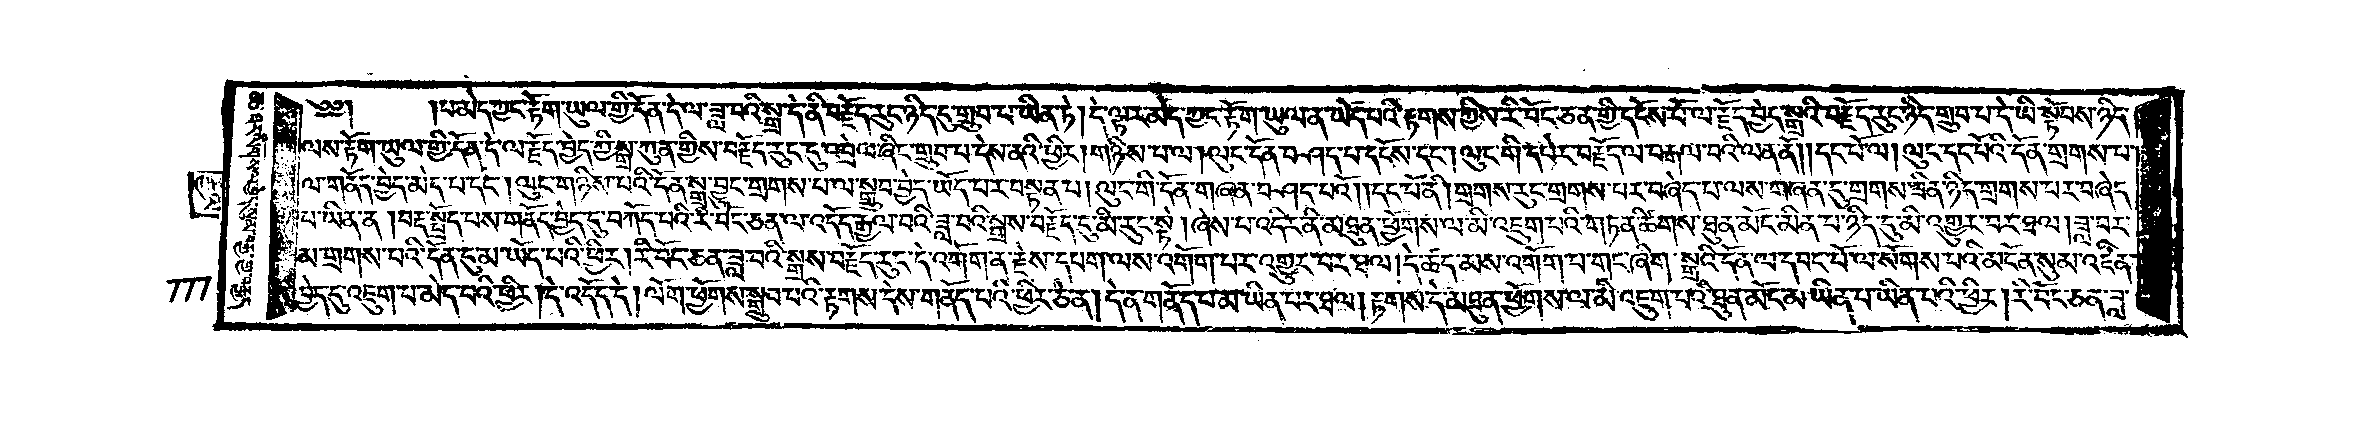༄༅། །པ་མེད་ཀྱང་རྟོག་ཡུལ་གྱི་དོན་དེ་ལ་ཟླ་བའི་སྒྲ་དེ་ནི་བརྗོད་རུང་ཉིད་དུ་གྲུབ་པ་ཡིན་ཏེ། དེ་ལྟར་མེད་ཀྱང་རྟོག་ཡུལ་ན་ཡོད་པའི་རྟགས་ཀྱིས་རི་བོང་ཅན་གྱི་དངོས་པོ་ལ་རྗོད་བྱེད་སྒྲའི་བརྗོད་རུང་ཉིད་གྲུབ་པ་དེ་ཡི་སྟོབས་ཉིད་
ལས་རྟོག་ཡུལ་གྱི་དོན་དེ་ལ་རྗོད་བྱེད་ཀྱི་སྒྲ་ཀུན་གྱིས་བརྗོད་རུང་དུ་འབྲེལ་ཞིང་གྲུབ་པ་དེས་ནའི་ཕྱིར། གཉིས་པ་ལ། ལུང་དོན་བཤད་པ་དངོས་དང་། ལུང་གི་དཔེར་བརྗོད་ལ་བརྒལ་བའི་ལན་ནོ། །དང་པོ་ལ། ལུང་དང་པོའི་དོན་གྲགས་པ་
ལ་གནོད་བྱེད་མེད་པ་དང་། ལུང་གཉིས་པའི་དོན་སྒྲ་བྱུང་གྲགས་པ་ལ་སྒྲུབ་བྱེད་ཡོད་པར་བསྟན་པ། ལུང་གི་དོན་གཞན་བཤད་པའོ། །དང་པོ་ནི། གྲགས་རུང་གྲགས་པར་བཞེད་པ་ལས་གཞན་དུ་གྲགས་ཟིན་ཉིད་གྲགས་པར་བཞེད་
པ་ཡིན་ན། བརྡ་སྤྲོད་པས་གནོད་བྱེད་དུ་བཀོད་པའི་རི་བོང་ཅན་ལ་འདོད་རྒྱལ་བའི་ཟླ་བའི་སྒྲས་བརྗོད་དུ་མི་རུང་སྟེ། ཞེས་པ་འདིར་ནི་མཐུན་ཕྱོགས་ལ་མི་འཇུག་པའི་གཏན་ཚིགས་ཐུན་མོང་མིན་པ་ཉིད་དུ་མི་འགྱུར་བར་ཐལ། ཟླ་བར་
མ་གྲགས་པའི་དོན་དུ་མ་ཡོད་པའི་ཕྱིར། རི་བོང་ཅན་ཟླ་བའི་སྒྲས་བརྗོད་རུང་དེ་འགོག་ན་རྗེས་དཔག་ལས་འགོག་པར་འགྱུར་བར་ཐལ། དེ་ཚད་མས་འགོག་པ་གང་ཞིག །སྒྲའི་དོན་ལ་དབང་པོ་ལ་སོགས་པའི་མངོན་སུམ་འཛིན་
བྱེད་དུ་འཇུག་པ་མེད་པའི་ཕྱིར། དེ་འདོད་དེ། ལོག་ཕྱོགས་སྒྲུབ་པའི་རྟགས་དེས་གནོད་པའི་ཕྱིར་ཅེ་ན། དེ་ན་གནོད་པ་མ་ཡིན་པར་ཐལ། རྟགས་དེ་མཐུན་ཕྱོགས་ལ་མི་འཇུག་པའི་ཐུན་མོང་མ་ཡིན་པ་ཡིན་པའི་ཕྱིར། རི་བོང་ཅན་བླ་